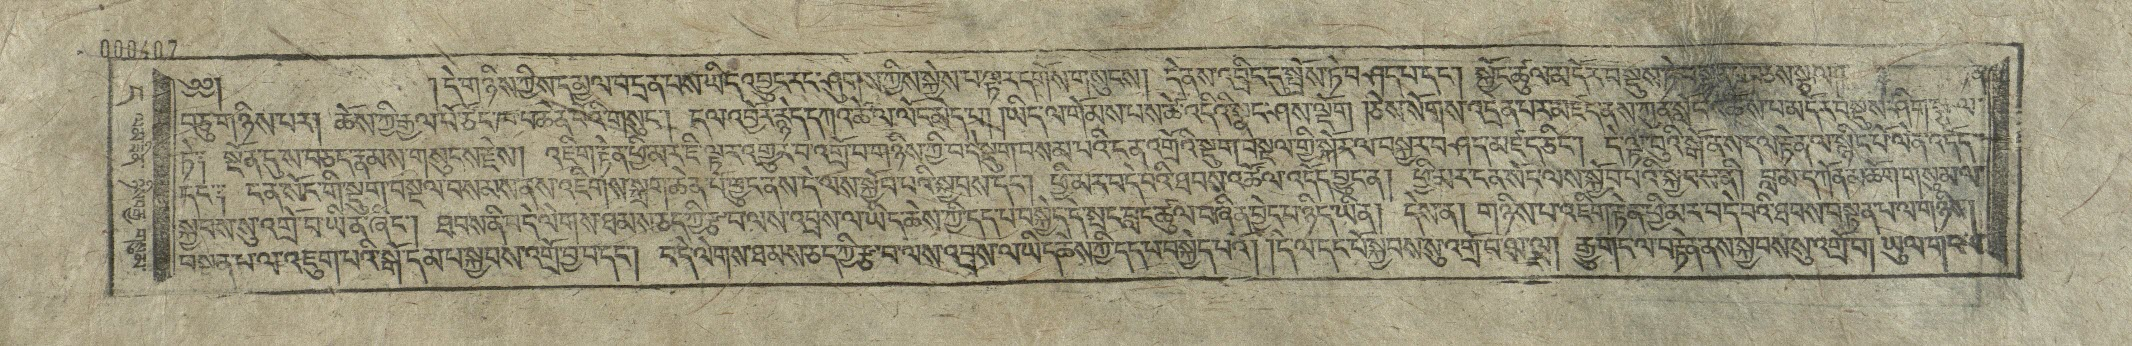༄༅། །དེ་གཉིས་ཀྱིས་དམྱལ་བ་དྲན་པས་ཡིད་འབྱུང་རང་ཤུགས་ཀྱིས་སྐྱེས་པ་ལྟར་དགོས་གསུངས། དེ་ནས་འབྲིང་དུ་སྤྲོས་ཏེ་བཤད་པ་དང་། སྐྱོང་ཚུལ་མདོར་བསྡུས་ཏེ་བསྟན་པ་བཅས་སྩལ།། ༈ །།ཉིན་
བཅུ་གཉིས་པར། ཆོས་ཀྱི་རྒྱལ་པོ་ཙོང་ཁ་པ་ཆེན་པོའི་གསུང་། དལ་འབྱོར་རྙེད་དཀའ་ཚེ་ལ་ལོང་མེད་པ། །ཡིད་ལ་གོམས་པས་ཚེ་འདིའི་སྣང་ཤས་ལྡོག །ཅེས་སོགས་འདྲེན་པར་མཛད་ནས་ཀུན་སློང་འཆོས་པ་མདོར་བསྡུས་ཤིག་སྩལ་
ཏེ༑ སྔོན་དུ་ས་བཅད་རྣམས་གསུངས་རྗེས། འཇིག་རྟེན་ཕྱི་མར་ཇི་ལྟར་འགྱུར་བ་འགྲོ་བ་གཉིས་ཀྱི་བདེ་སྡུག་བསམ་པའི་ངན་འགྲོའི་སྡུག་བསྔལ་གྱི་སྐོར་ལ་བསྐྱར་བཤད་མཛད་ཅིང་། དེ་ལྟ་བུའི་སྒོ་ནས་དལ་རྟེན་ལ་སྙིང་པོ་ལེན་འདོད་
དང༑ ངན་སོང་གི་སྡུག་བསྔལ་བསམས་ནས་འཇིགས་སྐྲག་ཆེན་པོ་བྱུང་ནས་དེ་ལས་སྐྱོབ་པའི་སྐྱབས་དང་། ཕྱི་མར་བདེ་བའི་ཐབས་འཚོལ་འདོད་བྱུང་ན། ཕྱི་མར་ངན་སོང་ལས་སྐྱོབ་པའི་སྐྱབས་ནི། བླ་མ་དཀོན་མཆོག་གསུམ་ལ་
སྐྱབས་སུ་འགྲོ་བ་ཡིན་ཞིང་། ཐབས་ནི་བདེ་ལེགས་ཐམས་ཅད་ཀྱི་རྩ་བ་ལས་འབྲས་ལ་ཡིད་ཆེས་ཀྱི་དད་པ་བསྐྱེད་དེ་སྤང་བླང་ཚུལ་བཞིན་བྱེད་པ་ཉིད་ཡིན། དེས་ན། གཉིས་པ་འཇིག་རྟེན་ཕྱི་མར་བདེ་བའི་ཐབས་བསྟན་པ་ལ་གཉིས།
བསྟན་པ་ལ་འཇུག་པའི་སྒོ་དམ་པ་སྐྱབས་འགྲོ་བྱ་བ་དང་། བདེ་ལེགས་ཐམས་ཅད་ཀྱི་རྩ་བ་ལས་འབྲས་ལ་ཡིད་ཆེས་ཀྱི་དད་པ་བསྐྱེད་པའོ། །དེ་ལ་དང་པོ་སྐྱབས་སུ་འགྲོ་བ་ལ་ལྔ། རྒྱུ་གང་ལ་བརྟེན་ནས་སྐྱབས་སུ་འགྲོ་བ། ཡུལ་གང་ལ་